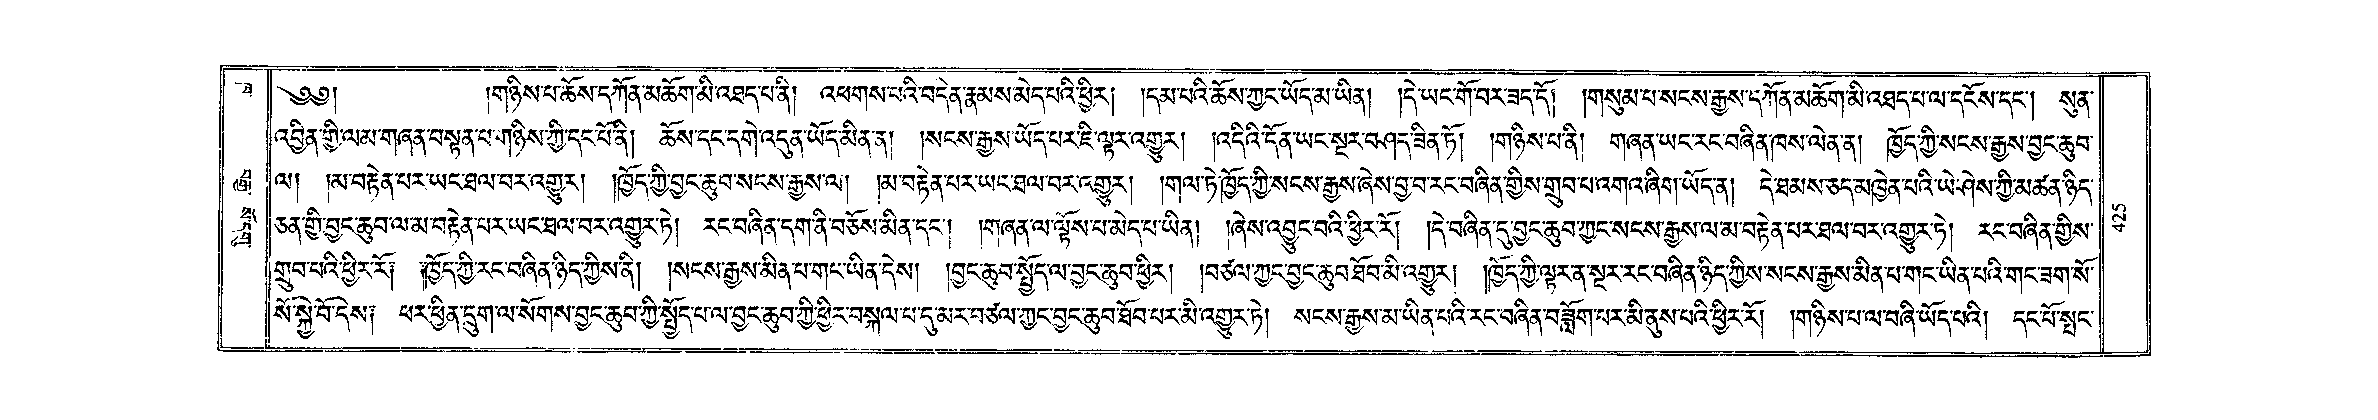༄༅། །གཉིས་པ་ཆོས་དཀོན་མཆོག་མི་འཐད་པ་ནི། འཕགས་པའི་བདེན་རྣམས་མེད་པའི་ཕྱིར། །དམ་པའི་ཆོས་ཀྱང་ཡོད་མ་ཡིན། །དེ་ཡང་གོ་བར་ཟད་དོ། །གསུམ་པ་སངས་རྒྱས་དཀོན་མཆོག་མི་འཐད་པ་ལ་དངོས་དང་། སུན་
འབྱིན་གྱི་ལམ་གཞན་བསྟན་པ་གཉིས་ཀྱི་དང་པོ་ནི། ཆོས་དང་དགེ་འདུན་ཡོད་མིན་ན། །སངས་རྒྱས་ཡོད་པར་ཇི་ལྟར་འགྱུར། །འདིའི་དོན་ཡང་སྔར་བཤད་ཟིན་ཏོ། །གཉིས་པ་ནི། གཞན་ཡང་རང་བཞིན་ཁས་ལེན་ན། ཁྱོད་ཀྱི་སངས་རྒྱས་བྱང་ཆུབ་
ལ། །མ་བརྟེན་པར་ཡང་ཐལ་བར་འགྱུར། །ཁྱོད་ཀྱི་བྱང་ཆུབ་སངས་རྒྱས་ལ། །མ་བརྟེན་པར་ཡང་ཐལ་བར་འགྱུར། །གལ་ཏེ་ཁྱོད་ཀྱི་སངས་རྒྱས་ཞེས་བྱ་བ་རང་བཞིན་གྱིས་གྲུབ་པ་འགའ་ཞིག་ཡོད་ན། དེ་ཐམས་ཅད་མཁྱེན་པའི་ཡེ་ཤེས་ཀྱི་མཚན་ཉིད་
ཅན་གྱི་བྱང་ཆུབ་ལ་མ་བརྟེན་པར་ཡང་ཐལ་བར་འགྱུར་ཏེ། རང་བཞིན་དག་ནི་བཅོས་མིན་དང་། །གཞན་ལ་ལྟོས་པ་མེད་པ་ཡིན། །ཞེས་འབྱུང་བའི་ཕྱིར་རོ། །དེ་བཞིན་དུ་བྱང་ཆུབ་ཀྱང་སངས་རྒྱས་ལ་མ་བརྟེན་པར་ཐལ་བར་འགྱུར་ཏེ། རང་བཞིན་གྱིས་
གྲུབ་པའི་ཕྱིར་རོ། །ཁྱོད་ཀྱི་རང་བཞིན་ཉིད་ཀྱིས་ནི། །སངས་རྒྱས་མིན་པ་གང་ཡིན་དེས། །བྱང་ཆུབ་སྤྱོད་ལ་བྱང་ཆུབ་ཕྱིར། །བཙལ་ཀྱང་བྱང་ཆུབ་ཐོབ་མི་འགྱུར། །ཁྱོད་ཀྱི་ལྟར་ན་སྔར་རང་བཞིན་ཉིད་ཀྱིས་སངས་རྒྱས་མིན་པ་གང་ཡིན་པའི་གང་ཟག་སོ་
སོ་སྐྱེ་བོ་དེས། ཕར་ཕྱིན་དྲུག་ལ་སོགས་བྱང་ཆུབ་ཀྱི་སྤྱོད་པ་ལ་བྱང་ཆུབ་ཀྱི་ཕྱིར་བསྐལ་པ་དུ་མར་བཙལ་ཀྱང་བྱང་ཆུབ་ཐོབ་པར་མི་འགྱུར་ཏེ། སངས་རྒྱས་མ་ཡིན་པའི་རང་བཞིན་བཟློག་པར་མི་ནུས་པའི་ཕྱིར་རོ། །གཉིས་པ་ལ་བཞི་ཡོད་པའི། དང་པོ་སྤང་